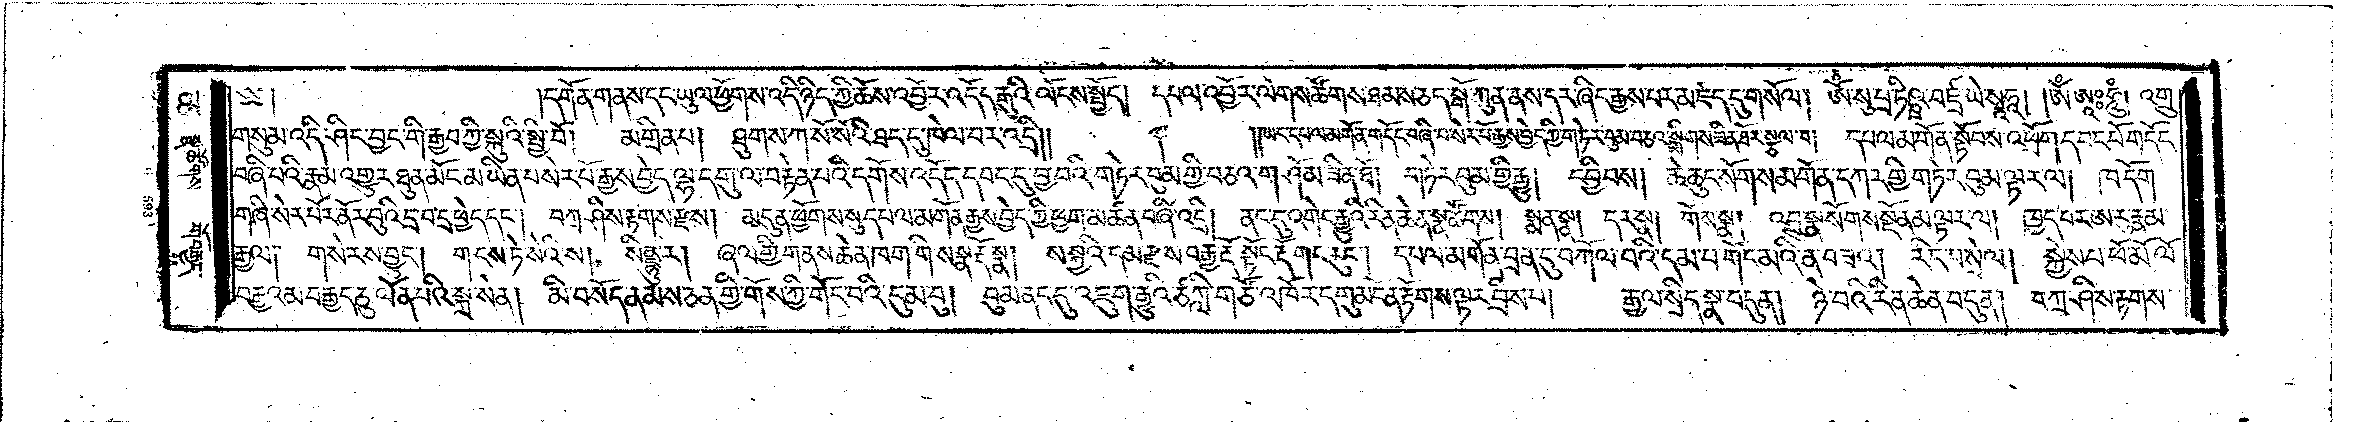༄༅། །དགོན་གནས་དང་ཡུལ་ཕྱོགས་འདི་ཉིད་ཀྱི་ཆོས་འབྱོར་འདོད་རྒུའི་ལོངས་སྤྱོད། དཔལ་འབྱོར་ལེགས་ཚོགས་ཐམས་ཅད་སྒོ་ཀུན་ནས་དར་ཞིང་རྒྱས་པར་མཛད་དུ་གསོལ། ཨོཾ་སུ་པྲ་ཏིཥཊཿཨ་བཛྲ་ཡེ་སྭཱཧཱ། །ཨོཾ་ཨཱཿཧཱུཾ། འགྲུ་
གསུམ་འདི་ཤིང་བྱང་གི་རྒྱབ་ཀྱི་སྐུའི་སྤྱི་བོ། མགྲིན་པ། ཐུགས་ཀ་སོ་སོའི་ཐད་དུ་ཁེལ་བར་འདྲི།། ༈ །།ཡང་དཔལ་མགོན་གདོང་བཞི་བ་སེར་པོ་རྒྱས་བྱེད་ཀྱི་གཏེར་བུམ་བཅའ་སྒྲིགས་ཟིན་ཐོར་སྩལ་བ།  དཔལ་མགོན་སྟོབས་འཕྲོག་དབང་པོ་གདོང་
བཞི་པའི་རྣམ་འགྱུར་ཐུན་མོང་མ་ཡིན་པ་སེར་པོ་རྒྱས་བྱེད་ལྷ་དགུ་ལ་བརྟེན་པའི་དགོས་འདོད་དབང་དུ་བྱ་བའི་གཏེར་བུམ་གྱི་བཅའ་གཤོམ་ཟིན་ཐོ། གཏེར་བུམ་གྱི་རྒྱུ། དབྱིབས། ཆེ་ཆུང་སོགས་མགོན་དཀར་གྱི་གཏེར་བུམ་ལྟར་ལ། ཁ་དོག་
གཞི་སེར་པོར་ནོར་བུའི་དྲ་བ་དྲ་ཕྱེད་དང་། བཀྲ་ཤིས་རྟགས་རྫས། མདུན་ཕྱོགས་སུ་དཔལ་མགོན་རྒྱས་བྱེད་ཀྱི་ཕྱག་མཚན་བཞི་འདྲི། ནང་དུ་འགེང་རྒྱུའི་རིན་ཆེན་སྣ་ཚོགས། སྨན་སྣ། དར་སྣ། གོས་སྨ། འབྲུ་སྣ་སོགས་སྔོན་མ་ལྟར་ལ། ཁྱད་པར་ཨ་རུ་རྣམ་
རྒྱལ༑ གསེར་ས་བྱུང་། གངས་ཏེ་སེའི་ས། སིནྡྷུ་ར། ཞལ་གྱི་གནས་ཆེན་ཁག་གིས་སྣ་རྡོ་སྣ། ས་སྐྱའི་དམ་རྫས་བརྒྱ་རྡོ་སྟོང་རྡོ་གང་རུང་། དཔལ་མགོན་བྲན་དུ་བཀོལ་བའི་དམ་པ་གོང་མའི་ན་བཟའ། རིང་བ་སྲེལ། སྐྱེས་པ་ཕོ་མོ་ལོ་
ཕ༹བརྒྱའམ་བརྒྱད་ཅུ་ལོན་པའི་སྐྲ་སེན། མི་བསོད་ནམས་ཅན་གྱི་གོས་ཀྱི་གོང་བའི་དུམ་བུ། བུམ་ནང་དུ་འཇུག་རྒྱུའི་ཙཀླི་གཙོ་འཁོར་དགུ་མངོན་རྟོགས་ལྟར་བྲིས་པ། རྒྱལ་སྲིད་སྣ་བདུན། ཉེ་བའི་རིན་ཆེན་བདུན། བཀྲ་ཤིས་རྟགས་